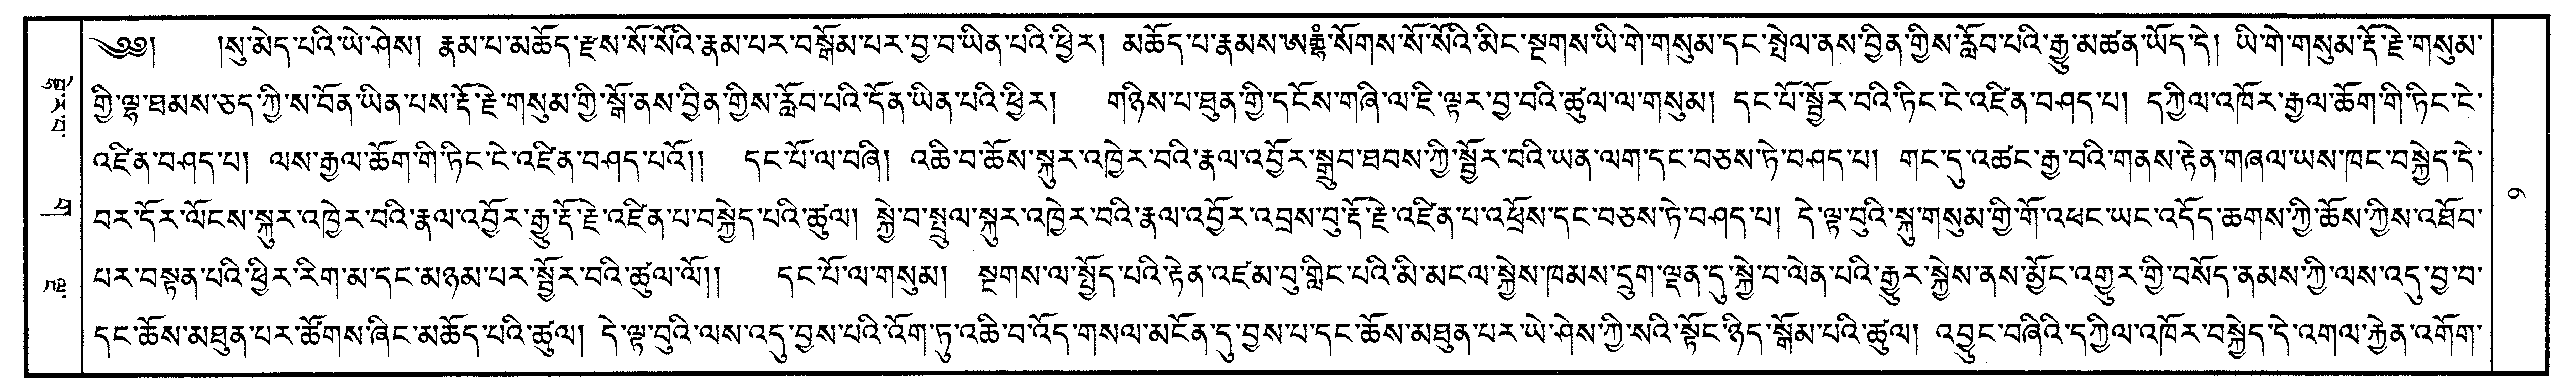༄༅། །སུ་མེད་པའི་ཡེ་ཤེས། རྣམ་པ་མཆོད་རྫས་སོ་སོའི་རྣམ་པར་བསྒོམ་པར་བྱ་བ་ཡིན་པའི་ཕྱིར། མཆོད་པ་རྣམས་ཨརྒྷཾ་སོགས་སོ་སོའི་མིང་སྔགས་ཡི་གེ་གསུམ་དང་སྤེལ་ནས་བྱིན་གྱིས་རློབ་པའི་རྒྱུ་མཚན་ཡོད་དེ། ཡི་གེ་གསུམ་རྡོ་རྗེ་གསུམ་
གྱི་ལྷ་ཐམས་ཅད་ཀྱི་ས་བོན་ཡིན་པས་རྡོ་རྗེ་གསུམ་གྱི་སྒོ་ནས་བྱིན་གྱིས་རློབ་པའི་དོན་ཡིན་པའི་ཕྱིར། གཉིས་པ་ཐུན་གྱི་དངོས་གཞི་ལ་ཇི་ལྟར་བྱ་བའི་ཚུལ་ལ་གསུམ། དང་པོ་སྦྱོར་བའི་ཏིང་ངེ་འཛིན་བཤད་པ། དཀྱིལ་འཁོར་རྒྱལ་ཆོག་གི་ཏིང་ངེ་
འཛིན་བཤད་པ། ལས་རྒྱལ་ཆོག་གི་ཏིང་ངེ་འཛིན་བཤད་པའོ།། དང་པོ་ལ་བཞི། འཆི་བ་ཆོས་སྐུར་འཁྱེར་བའི་རྣལ་འབྱོར་སྒྲུབ་ཐབས་ཀྱི་སྦྱོར་བའི་ཡན་ལག་དང་བཅས་ཏེ་བཤད་པ། གང་དུ་འཚང་རྒྱ་བའི་གནས་རྟེན་གཞལ་ཡས་ཁང་བསྐྱེད་དེ་
བར་དོར་ལོངས་སྐུར་འཁྱེར་བའི་རྣལ་འབྱོར་རྒྱུ་རྡོ་རྗེ་འཛིན་པ་བསྐྱེད་པའི་ཚུལ། སྐྱེ་བ་སྤྲུལ་སྐུར་འཁྱེར་བའི་རྣལ་འབྱོར་འབྲས་བུ་རྡོ་རྗེ་འཛིན་པ་འཕྲོས་དང་བཅས་ཏེ་བཤད་པ། དེ་ལྟ་བུའི་སྐུ་གསུམ་གྱི་གོ་འཕང་ཡང་འདོད་ཆགས་ཀྱི་ཆོས་ཀྱིས་འཐོབ་
པར་བསྟན་པའི་ཕྱིར་རིག་མ་དང་མཉམ་པར་སྦྱོར་བའི་ཚུལ་ལོ།། དང་པོ་ལ་གསུམ། སྔགས་ལ་སྤྱོད་པའི་རྟེན་འཛམ་བུ་གླིང་པའི་མི་མངལ་སྐྱེས་ཁམས་དྲུག་ལྡན་དུ་སྐྱེ་བ་ལེན་པའི་རྒྱུར་སྐྱེས་ནས་མྱོང་འགྱུར་གྱི་བསོད་ནམས་ཀྱི་ལས་འདུ་བྱ་བ་
དང་ཆོས་མཐུན་པར་ཚོགས་ཞིང་མཆོད་པའི་ཚུལ། དེ་ལྟ་བུའི་ལས་འདུ་བྱས་པའི་འོག་ཏུ་འཆི་བ་འོད་གསལ་མངོན་དུ་བྱས་པ་དང་ཆོས་མཐུན་པར་ཡེ་ཤེས་ཀྱི་སའི་སྟོང་ཉིད་སྒོམ་པའི་ཚུལ། འབྱུང་བཞིའི་དཀྱིལ་འཁོར་བསྐྱེད་དེ་འགལ་རྐྱེན་འགོག་